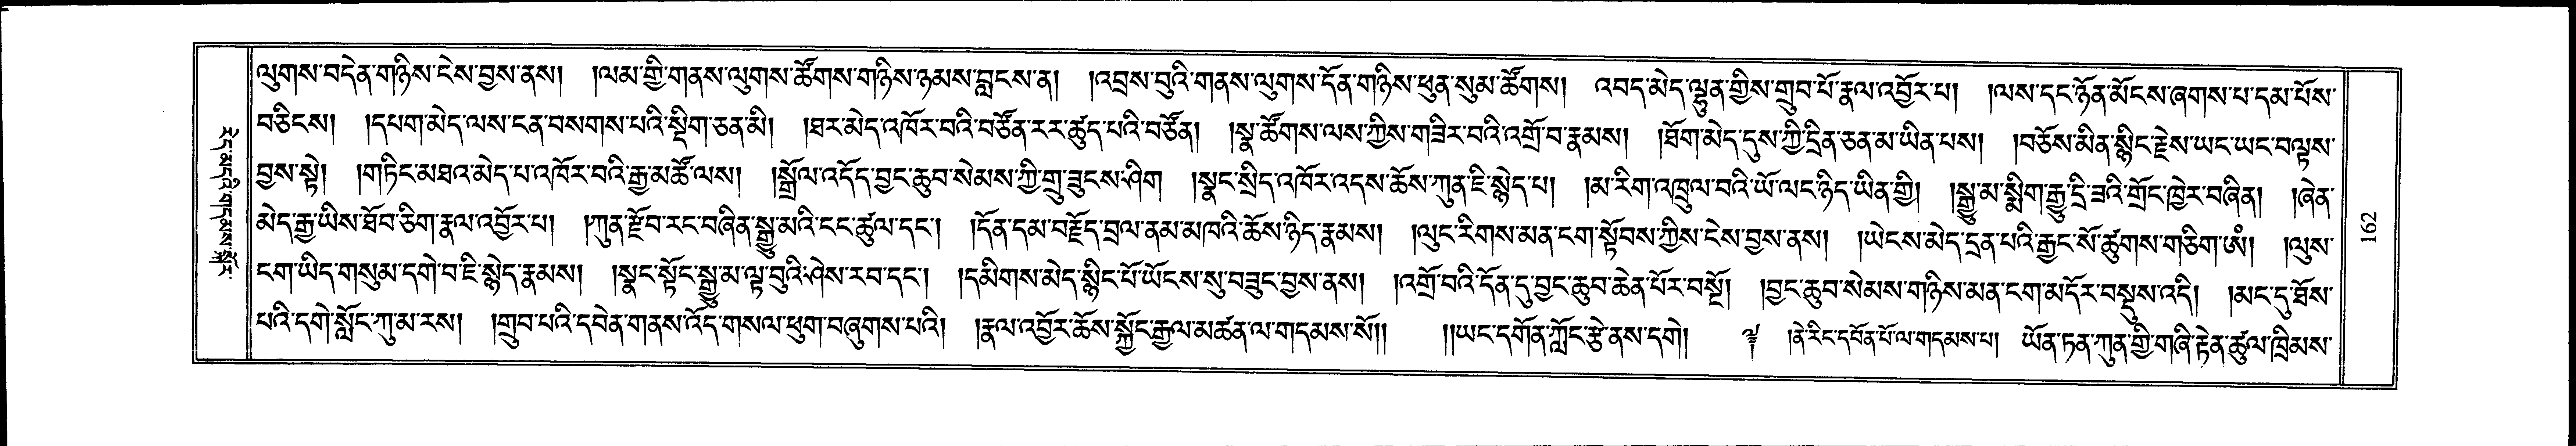ལུགས་བདེན་གཉིས་ངེས་བྱས་ནས། །ལམ་གྱི་གནས་ལུགས་ཚོགས་གཉིས་ཉམས་བླངས་ན། །འབྲས་བུའི་གནས་ལུགས་དོན་གཉིས་ཕུན་སུམ་ཚོགས། འབད་མེད་ལྷུན་གྱིས་གྲུབ་པོ་རྣལ་འབྱོར་པ། །ལས་དང་ཉོན་མོངས་ཞགས་པ་དམ་པོས་
བཅིངས། །དཔག་མེད་ལས་ངན་བསགས་པའི་སྡིག་ཅན་མི། །ཐར་མེད་འཁོར་བའི་བཙོན་རར་ཚུད་པའི་བཙོན། །སྣ་ཚོགས་ལས་ཀྱིས་གཟིར་བའི་འགྲོ་བ་རྣམས། །ཐོག་མེད་དུས་ཀྱི་དྲིན་ཅན་མ་ཡིན་པས། །བཅོས་མིན་སྙིང་རྗེས་ཡང་ཡང་བལྟས་
བྱས་སྟེ། །གཏིང་མཐའ་མེད་པ་འཁོར་བའི་རྒྱ་མཚོ་ལས། །སྒྲོལ་འདོད་བྱང་ཆུབ་སེམས་ཀྱི་གྲུ་ཟུངས་ཤིག །སྣང་སྲིད་འཁོར་འདས་ཆོས་ཀུན་ཇི་སྙེད་པ། །མ་རིག་འཁྲུལ་བའི་ཡོ་ལང་ཉིད་ཡིན་གྱི། །སྒྱུ་མ་སྨིག་རྒྱུ་དྲི་ཟའི་གྲོང་ཁྱེར་བཞིན། །ཞེན་
མེད་རྒྱ་ཡིས་ཐོབ་ཅིག་རྣལ་འབྱོར་པ། །ཀུན་རྫོབ་རང་བཞིན་སྒྱུ་མའི་ངང་ཚུལ་དང་། །དོན་དམ་བརྗོད་བྲལ་ནམ་མཁའི་ཆོས་ཉིད་རྣམས། །ལུང་རིགས་མན་ངག་སྟོབས་ཀྱིས་ངེས་བྱས་ནས། །ཡེངས་མེད་དྲན་པའི་རྒྱང་སོ་ཚུགས་གཅིག་ཨཾ། །ལུས་
ངག་ཡིད་གསུམ་དགེ་བ་ཇི་སྙེད་རྣམས། །སྣང་སྟོང་སྒྱུ་མ་ལྟ་བུའི་ཤེས་རབ་དང་། །དམིགས་མེད་སྙིང་པོ་ཡོངས་སུ་བཟུང་བྱས་ནས། །འགྲོ་བའི་དོན་དུ་བྱང་ཆུབ་ཆེན་པོར་བསྔོ། །བྱང་ཆུབ་སེམས་གཉིས་མན་ངག་མདོར་བསྡུས་འདི། །མང་དུ་ཐོས་
པའི་དགེ་སློང་ཀུ་མ་རས། །གྲུབ་པའི་དབེན་གནས་འོད་གསལ་ཕུག་བཞུགས་པའི། །རྣལ་འབྱོར་ཆོས་སྐྱོང་རྒྱལ་མཚན་ལ་གདམས་སོ།། །།ཡང་དགོན་ཀློང་རྩེ་ནས་དགེ། ༈ །ནེ་རིང་དབོན་པོ་ལ་གདམས་པ། ཡོན་ཏན་ཀུན་གྱི་གཞི་རྟེན་ཚུལ་ཁྲིམས་